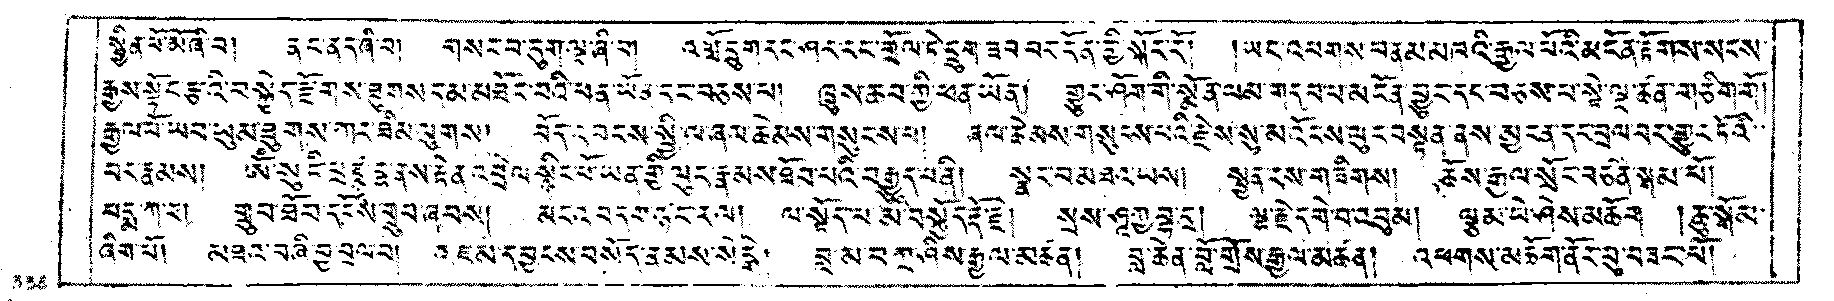སྦྱིན་ཕོ་མོ་ཞི་བ། ནང་ནད་ཞི་བ། གསང་བ་དུག་ལྔ་ཞི་བ། འགྲོ་དྲུག་རང་ཤར་རང་གྲོལ་ཏེ་དྲུག་ཟབ་པར་དོན་གྱི་སྐོར་རོ། །ཡང་འཕགས་པ་ནམ་མཁའི་རྒྱལ་པོའི་མངོན་རྟོགས་སངས་
རྒྱས་སྟོང་རྩའི་བསྐྱེད་རྫོགས་ཐུགས་དམ་མཐོང་བའི་ཕན་ཡོན་དང་བཅས་པ། ཁྲུས་ཆབ་ཀྱི་ཕན་ཡོན། གྱུར་ཤོག་གི་སྨོན་ལམ་གདབ་པ་མངོན་བྱུང་དང་བཅས་པ་སྟེ་ལྔ་ཚན་གཅིག་གོ །
རྒྱལ་པོ་ཡབ་ཡུམ་ཐུགས་ཀར་ཐིམ་ལུགས། བོད་འབངས་སྤྱི་ལ་ཞལ་ཆེམས་གསུངས་པ། ཞལ་ཆེམས་གསུངས་པའི་རྗེས་སུ་མ་འོངས་ལུང་བསྟན་ནས་མྱ་ངན་དང་བྲལ་བར་གྱུར་ཏོའི་
པ་རྣམས། ཨོཾ་སུ་ཏི་པྲཛྙཱ་དྷ་ནས་རྟེན་འབྲེལ་སྙིང་པོ་ཡན་གྱི་ལུང་རྣམས་ཐོབ་པའི་བརྒྱུད་པ་ནི། སྣང་བ་མཐའ་ཡས། སྤྱན་རས་གཟིགས། ཆོས་རྒྱལ་སྲོང་བཙན་སྒམ་པོ།
པདམ་ཀ་ར། གྲུབ་ཐོབ་དངོས་གྲུབ་ཞབས། མངའ་བདག་ཉང་རལ། ལ་སྟོད་པ་མི་བསྐྱོད་རྡོ་རྗེ། སྲས་ཤཱཀྱ་བྷ་དྲ། ལྷ་རྗེ་དགེ་བ་འབུམ། ལྕམ་ཡེ་ཤེས་མཆོག །ཆུ་སྒོམ་
ཞིག་པོ། མཐའ་བཞི་བྱ་བྲལ་བ། འཇམ་དབྱངས་བསོད་ནམས་སེངྒེ། བླ་མ་བཀྲ་ཤིས་རྒྱལ་མཚན། བླ་ཆེན་བློ་གྲོས་རྒྱལ་མཚན། འཕགས་མཆོག་ནོར་བུ་བཟང་པོ།